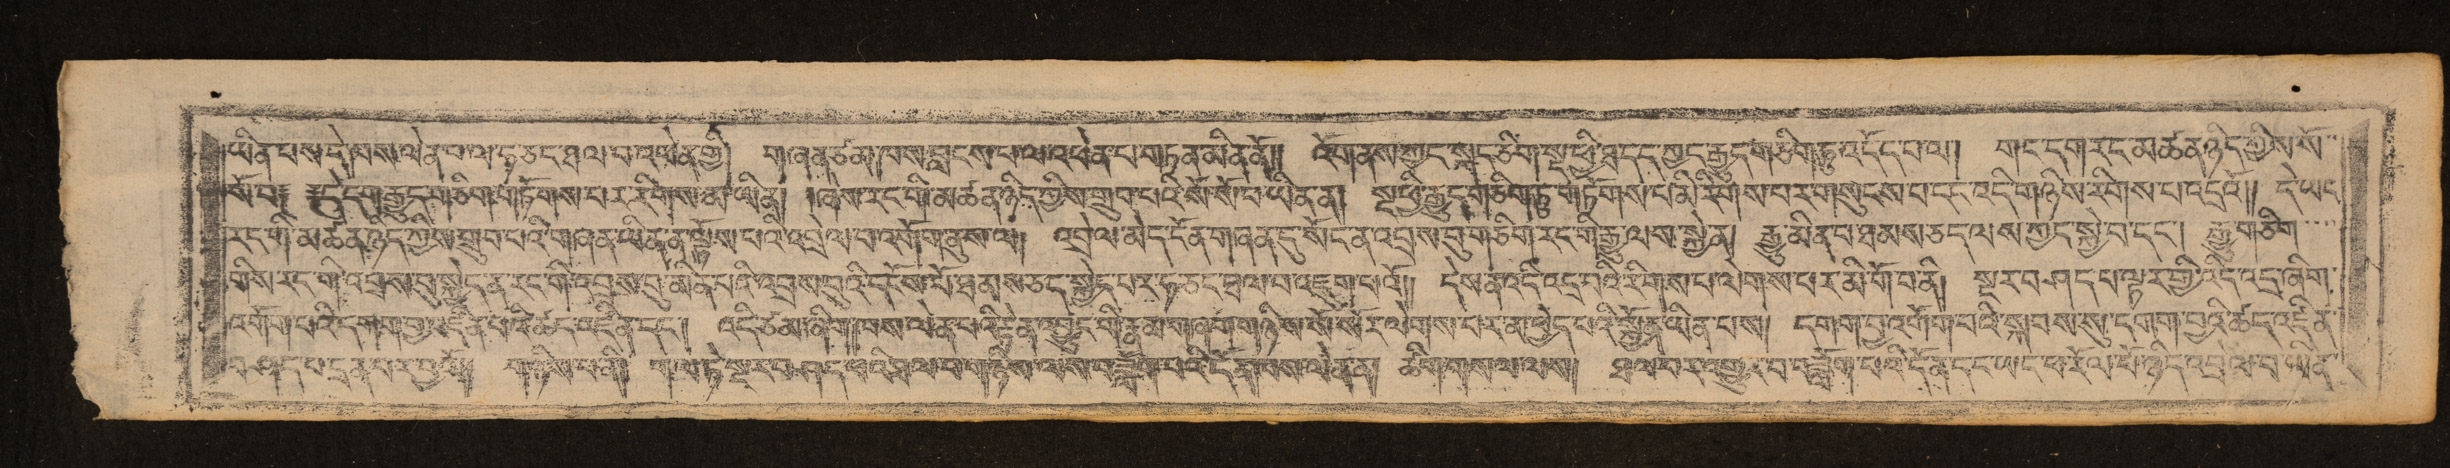ཡིན་པས་དེ་ཁས་ལེན་པ་ལ་ཧ་ཅང་ཐལ་བ་འཕེན་གྱི། གཞན་ཙམ་ཁས་བླངས་པ་ལ་འཕེན་པ་གཏན་མིན་ནོ།། འོག་ནས་ཀྱང་སྐད་ཅིག་སྔ་ཕྱི་ཐ་དད་ཀྱང་རྒྱུད་གཅིག་ཏུ་འདོད་པ་ལ། གང་དག་རང་མཚན་ཉིད་ཀྱིས་སོ་
སོ་བ༑ ༑དེ་དག་རྒྱུད་གཅིག་གཏོགས་པར་རིགས་མ་ཡིན། །ཞེས་རང་གི་མཚན་ཉིད་ཀྱིས་གྲུབ་པའི་སོ་སོ་བ་ཡིན་ན། སྔ་ཕྱི་རྒྱུད་གཅིག་ཏུ་གཏོགས་པ་མི་རིགས་པར་གསུངས་པ་དང་འདི་གཉིས་རིགས་པ་འདྲའོ།། དེ་ཡང་
རང་གི་མཚན་ཉིད་ཀྱིས་གྲུབ་པའི་གཞན་ཡིན་ན་ལྟོས་པའི་འབྲེལ་བ་འགོག་ནུས་ལ། འབྲེལ་མེད་དོན་གཞན་དུ་སོང་ན་འབྲས་བུ་གཅིག་རང་གི་རྒྱུ་ལས་སྐྱེ་ན། རྒྱུ་མིན་པ་ཐམས་ཅད་ལས་ཀྱང་སྐྱེ་བ་དང་། རྒྱུ་གཅིག་
གིས་རང་གི་འབྲས་བུ་སྐྱེད་ན་རང་གི་འབྲས་བུ་མིན་པའི་འབྲས་བུའི་དངོས་པོ་ཐམས་ཅད་སྐྱེད་པར་ཧ་ཅང་ཐལ་བ་འཇུག་པའོ།། དེས་ན་འདི་འདྲ་བའི་རིགས་པ་ལེགས་པར་མི་གོ་བ་ནི། སྔར་བཤད་པ་ལྟར་གྱི་འདི་འདྲ་ཞིག་
འགོག་པའི་དགག་བྱ་འཛིན་པའི་ཚད་འཛིན་དང་། འདི་ཙམ་ཞིག་ཁས་ལེན་པའི་རྟེན་འབྱུང་གི་རྣམ་གཞག་གཉིས་སོ་སོར་ལེགས་པར་མ་ཕྱེད་པའི་སྐྱོན་ཡིན་པས། དགག་བྱ་འགོག་པའི་སྐབས་སུ་དགག་བྱའི་ཚད་འཛིན་
བཤད་པ་དྲན་པར་བྱའོ།། གཉིས་པ་ནི། གལ་ཏེ་སྔར་བཤད་པའི་ཐལ་བ་གཉིས་ལས་བཟློག་པའི་དོན་ཁས་ལེན་ན། ཚིག་གསལ་ལས། ཐལ་བར་འགྱུར་བ་བཟློག་པའི་དོན་དང་ཡང་ཕ་རོལ་པོ་ཉིད་འབྲེལ་བ་ཡིན་